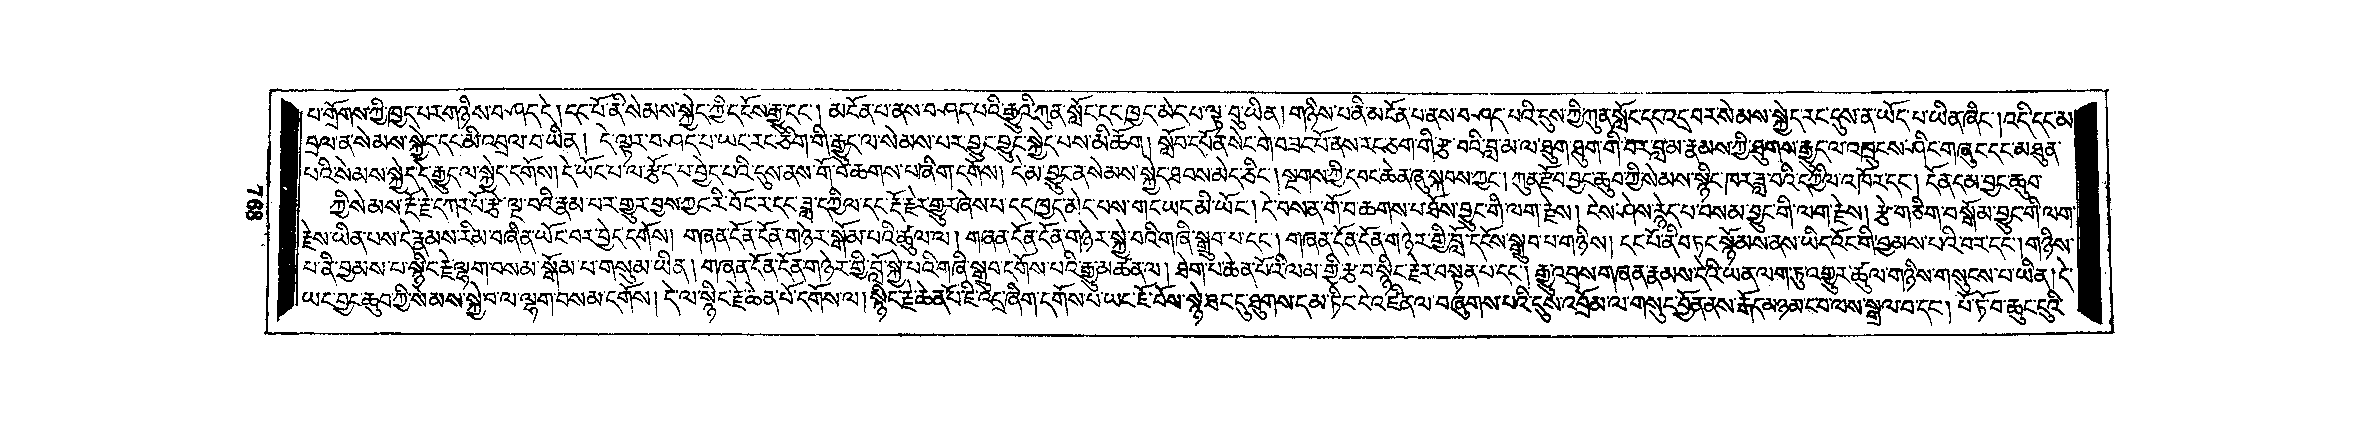པ་གྲོགས་ཀྱི་ཁྱད་པར་གཉིས་བཤད་དེ། དང་པོ་ནི་སེམས་སྐྱེད་ཀྱི་དངོས་རྒྱུ་དང་། མངོན་པ་ནས་བཤད་པའི་རྒྱུའི་ཀུན་སློང་དང་ཁྱད་མེད་པ་ལྟ་བུ་ཡིན། གཉིས་པ་ནི་མངོན་པ་ནས་བཤད་པའི་དུས་ཀྱི་ཀུན་སློང་དང་འདྲ་བར་སེམས་སྐྱེད་རང་དུས་ན་ཡོད་པ་ཡིན་ཞིང་། འདི་དང་མ་
བྲལ་ན་སེམས་སྐྱེད་དང་མི་འབྲལ་བ་ཡིན། དེ་ལྟར་བཤད་པ་ཡང་རང་ཅིག་གི་རྒྱུད་ལ་སེམས་པར་བྱུང་བྱུང་སྐྱེད་པས་མི་ཆོག །སློབ་དཔོན་སེང་གེ་བཟང་པོ་ནས་རང་ཅག་གི་རྩ་བའི་བླ་མ་ལ་ཐུག་ཐུག་གི་བར་བླ་མ་རྣམས་ཀྱི་ཐུགས་རྒྱུད་ལ་འཁྲུངས་ཤིང་གཞུང་དང་མཐུན་
པའི་སེམས་སྐྱེད་དེ་རྒྱུད་ལ་སྐྱེད་དགོས། དེ་ཡོང་པ་ལ་རྩོད་པ་བྱེད་པའི་དུས་ནས་གོ་བ་ཆགས་པ་ཞིག་དགོས། དེ་མ་བྱུང་ན་སེམས་སྐྱེད་ཐབས་མེད་ཅིང་། སྔགས་ཀྱི་དབང་ཆེན་ཞུ་སྐབས་ཀྱང་། ཀུན་རྫོབ་བྱང་ཆུབ་ཀྱི་སེམས་སྙིང་ཁར་ཟླ་བའི་དཀྱིལ་འཁོར་དང་། དོན་དམ་བྱང་ཆུབ་
ཀྱི་སེམས་རྡོ་རྗེ་དཀར་པོ་རྩེ་ལྔ་བའི་རྣམ་པར་གྱུར་བྱས་ཀྱང་རི་བོང་ར་དང་ཟླ་དཀྱིལ་དང་རྡོ་རྗེར་གྱུར་ཞེས་པ་དང་ཁྱད་མེད་པས་གང་ཡང་མི་ཡོང་། དེ་བས་ན་གོ་བ་ཆགས་པ་ཐོས་བྱུང་གི་ལག་རྗེས། ངེས་ཤེས་རྙེད་པ་བསམ་བྱུང་གི་ལག་རྗེས། རྩེ་གཅིག་བསྒོམ་བྱུང་གི་ལག་
རྗེས་ཡིན་པས་དེ་རྣམས་རིམ་བཞིན་ཡོང་བར་བྱེད་དགོས། གཞན་དོན་དོན་གཉེར་སྒོམ་པའི་ཚུལ་ལ། གཞན་དོན་དོན་གཉེར་སྐྱེ་བའི་གཞི་སྒྲུབ་པ་དང་། གཞན་དོན་དོན་གཉེར་གྱི་བློ་དངོས་སྒྲུབ་པ་གཉིས། དང་པོ་ནི་བཏང་སྙོམས་ནས་ཡིད་འོང་གི་བྱམས་པའི་བར་དང་། གཉིས་
པ་ནི་བྱམས་པ་སྙིང་རྗེ་ལྷག་བསམ་སྒོམ་པ་གསུམ་ཡིན། གཞན་དོན་དོན་གཉེར་གྱི་བློ་སྐྱེ་པའི་གཞི་སྒྲུབ་དགོས་པའི་རྒྱུ་མཚན་ལ། ཐེག་པ་ཆེན་པོའི་ལམ་གྱི་རྩ་བ་སྙིང་རྗེར་བསྟན་པ་དང་། རྒྱུ་འབྲས་གཞན་རྣམས་དེའི་ཡན་ལག་ཏུ་འགྱུར་ཚུལ་གཉིས་གསུངས་པ་ཡིན། དེ་
ཡང་བྱང་ཆུབ་ཀྱི་སེམས་སྐྱེ་བ་ལ་ལྷག་བསམ་དགོས། དེ་ལ་སྙིང་རྗེ་ཆེན་པོ་དགོས་ལ། སྙིང་རྗེ་ཆེན་པོ་ཇི་འདྲ་ཞིག་དགོས་པ་ཡང་ཇོ་བོས་སྙེ་ཐང་དུ་ཐུགས་དམ་ཏིང་ངེ་འཛིན་ལ་བཞུགས་པའི་དུས་འབྲོམ་ལ་གསུང་བྱོན་ནས་རྒོད་མཉམ་ང་བ་ལས་སྒྲལ་བ་དང་། པོ་ཏོ་བ་ཆུང་ངུའི་